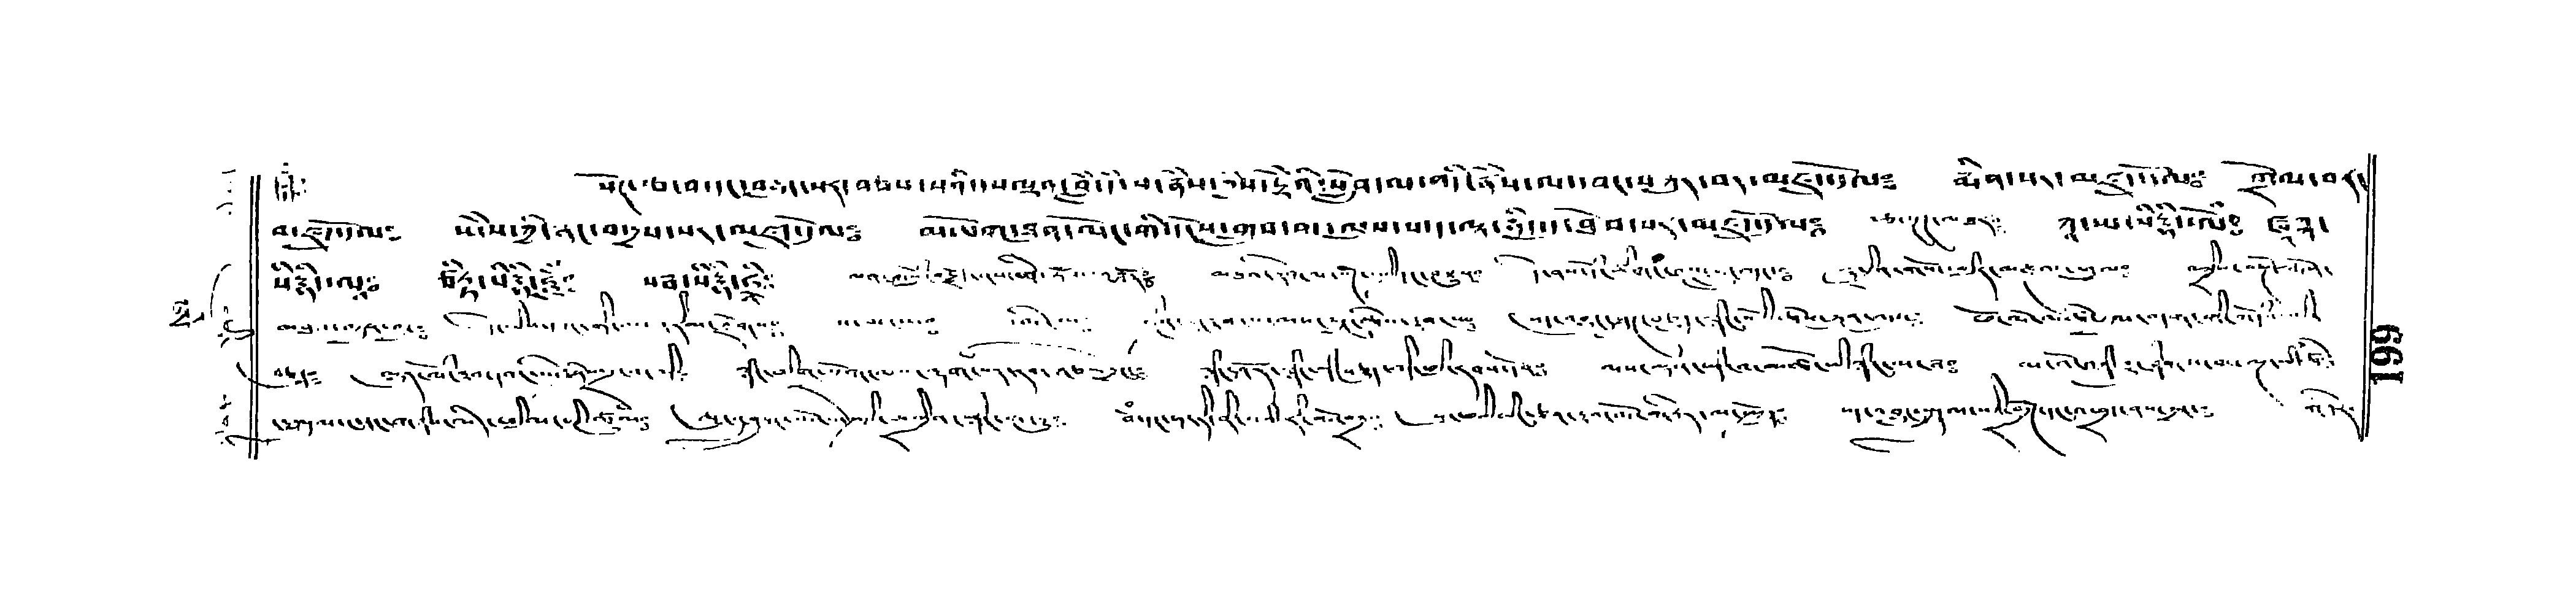སོགས་རྩ་བ་དང་བརྒྱུད་པར་བཅས་པའི་དཔལ་ལྡན་བླ་མ་དམ་པ་རྣམས་ཀྱིས་རྡོ་རྗེའི་སློབ་མ་འདི་རྣམས་ལ་དབང་བསྐུར་བར་མཛད་དུ་གསོལ༔ གྲོལ་བར་
མཛད་དུ་གསོལ༔ ཡེ་ཤེས་ཀྱི་སྣང་བ་རྒྱས་པར་མཛད་དུ་གསོལ༔ མཆོག་ཐུན་མོང་གི་དངོས་གྲུབ་མ་ལུས་པ་ད་ལྟ་ཉིད་དུ་འཐོབ་པར་མཛད་དུ་གསོལ༔ རྩ་སྔགས་མཐར༔ ཀཱ་ཡ་སིདྡྷི་ཨོཾ༔ ཝཱཀྐ་
སིདྡྷི་ཨཱཿ ཙིཏྟ་སིདྡྷི་ཧཱུྃ༔ སརྦ་སིདྡྷི་ཧྲཱིཿ ལན་གསུམ་བརྗོད་ནས་མེ་ཏོག་འཐོར༔ མཐའ་རྟེན་ལ་སོགས་སྤྱི་དང་བསྟུན༔ དེ་ནས་དམ་ཚིག་ཁས་བླང་དང༔ སྐུ་དྲིན་གསོ་ཕྱིར་མཎྜལ་ཕུལ༔ བཀྲ་ཤིས་བསྔོ་སྨོན་
མཐའ་བརྒྱན་བྱ༔ དེ་ཡིས་དབང་གི་ལས་རིམ་རྫོགས༔ ས་མ་ཡ༔ ཨེ་མ༔ ཤིན་ཏུ་ཟབ་པ་ལས་ཀྱང་ཆེས་ཟབ་པ༔ པད་འབྱུང་ཐུགས་བཅུད་སྙིང་པོའི་ཆོས་ཀུན་འདུས༔ ཁོ་མོ་མཚོ་རྒྱལ་བདག་གི་གདམས་པའི་
བཅུད༔ ལྷུན་ལམ་ཟབ་དབང་ཡེ་ཤེས་དྲྭ་བ་འདི༔ སྙིང་མིག་སྲོག་ལས་ལྷག་པར་རབ་གཅེས་ཀྱང༔ སྙིང་ནོར་སྙིང་གི་བཅུད་འདི་ཕྱི་རབས་དོན༔ ལས་ལྡན་ཞི་བ་མཚོ་ཡི་སྙིང་ལ་སྦཿ མ་འོངས་ཉི་ཤུ་སྙིགས་མ་ལྔ་ཡི་ཚེ༔ 
ང་སྤྲུལ་ང་དང་གཉིས་མེད་ཁྱིམ་པའི་ཚུལ༔ ཆུ་འབྲུག་ལོ་བ་སྤྱི་མགྲིན་སྙིང་ག་རུ༔ བྃ་དང་ཧ་རི་ནི་སའི་རི་མོ་བཀྲ༔ སུ་ཁའི་མིང་ཅན་ཟབ་མོ་གཏེར་མ་སྤྱོད༔ པད་འབྱུང་སྤྲུལ་པའི་གྲོགས་དང་ཕྲད་ནས་ཀྱང༔ གཏེར་